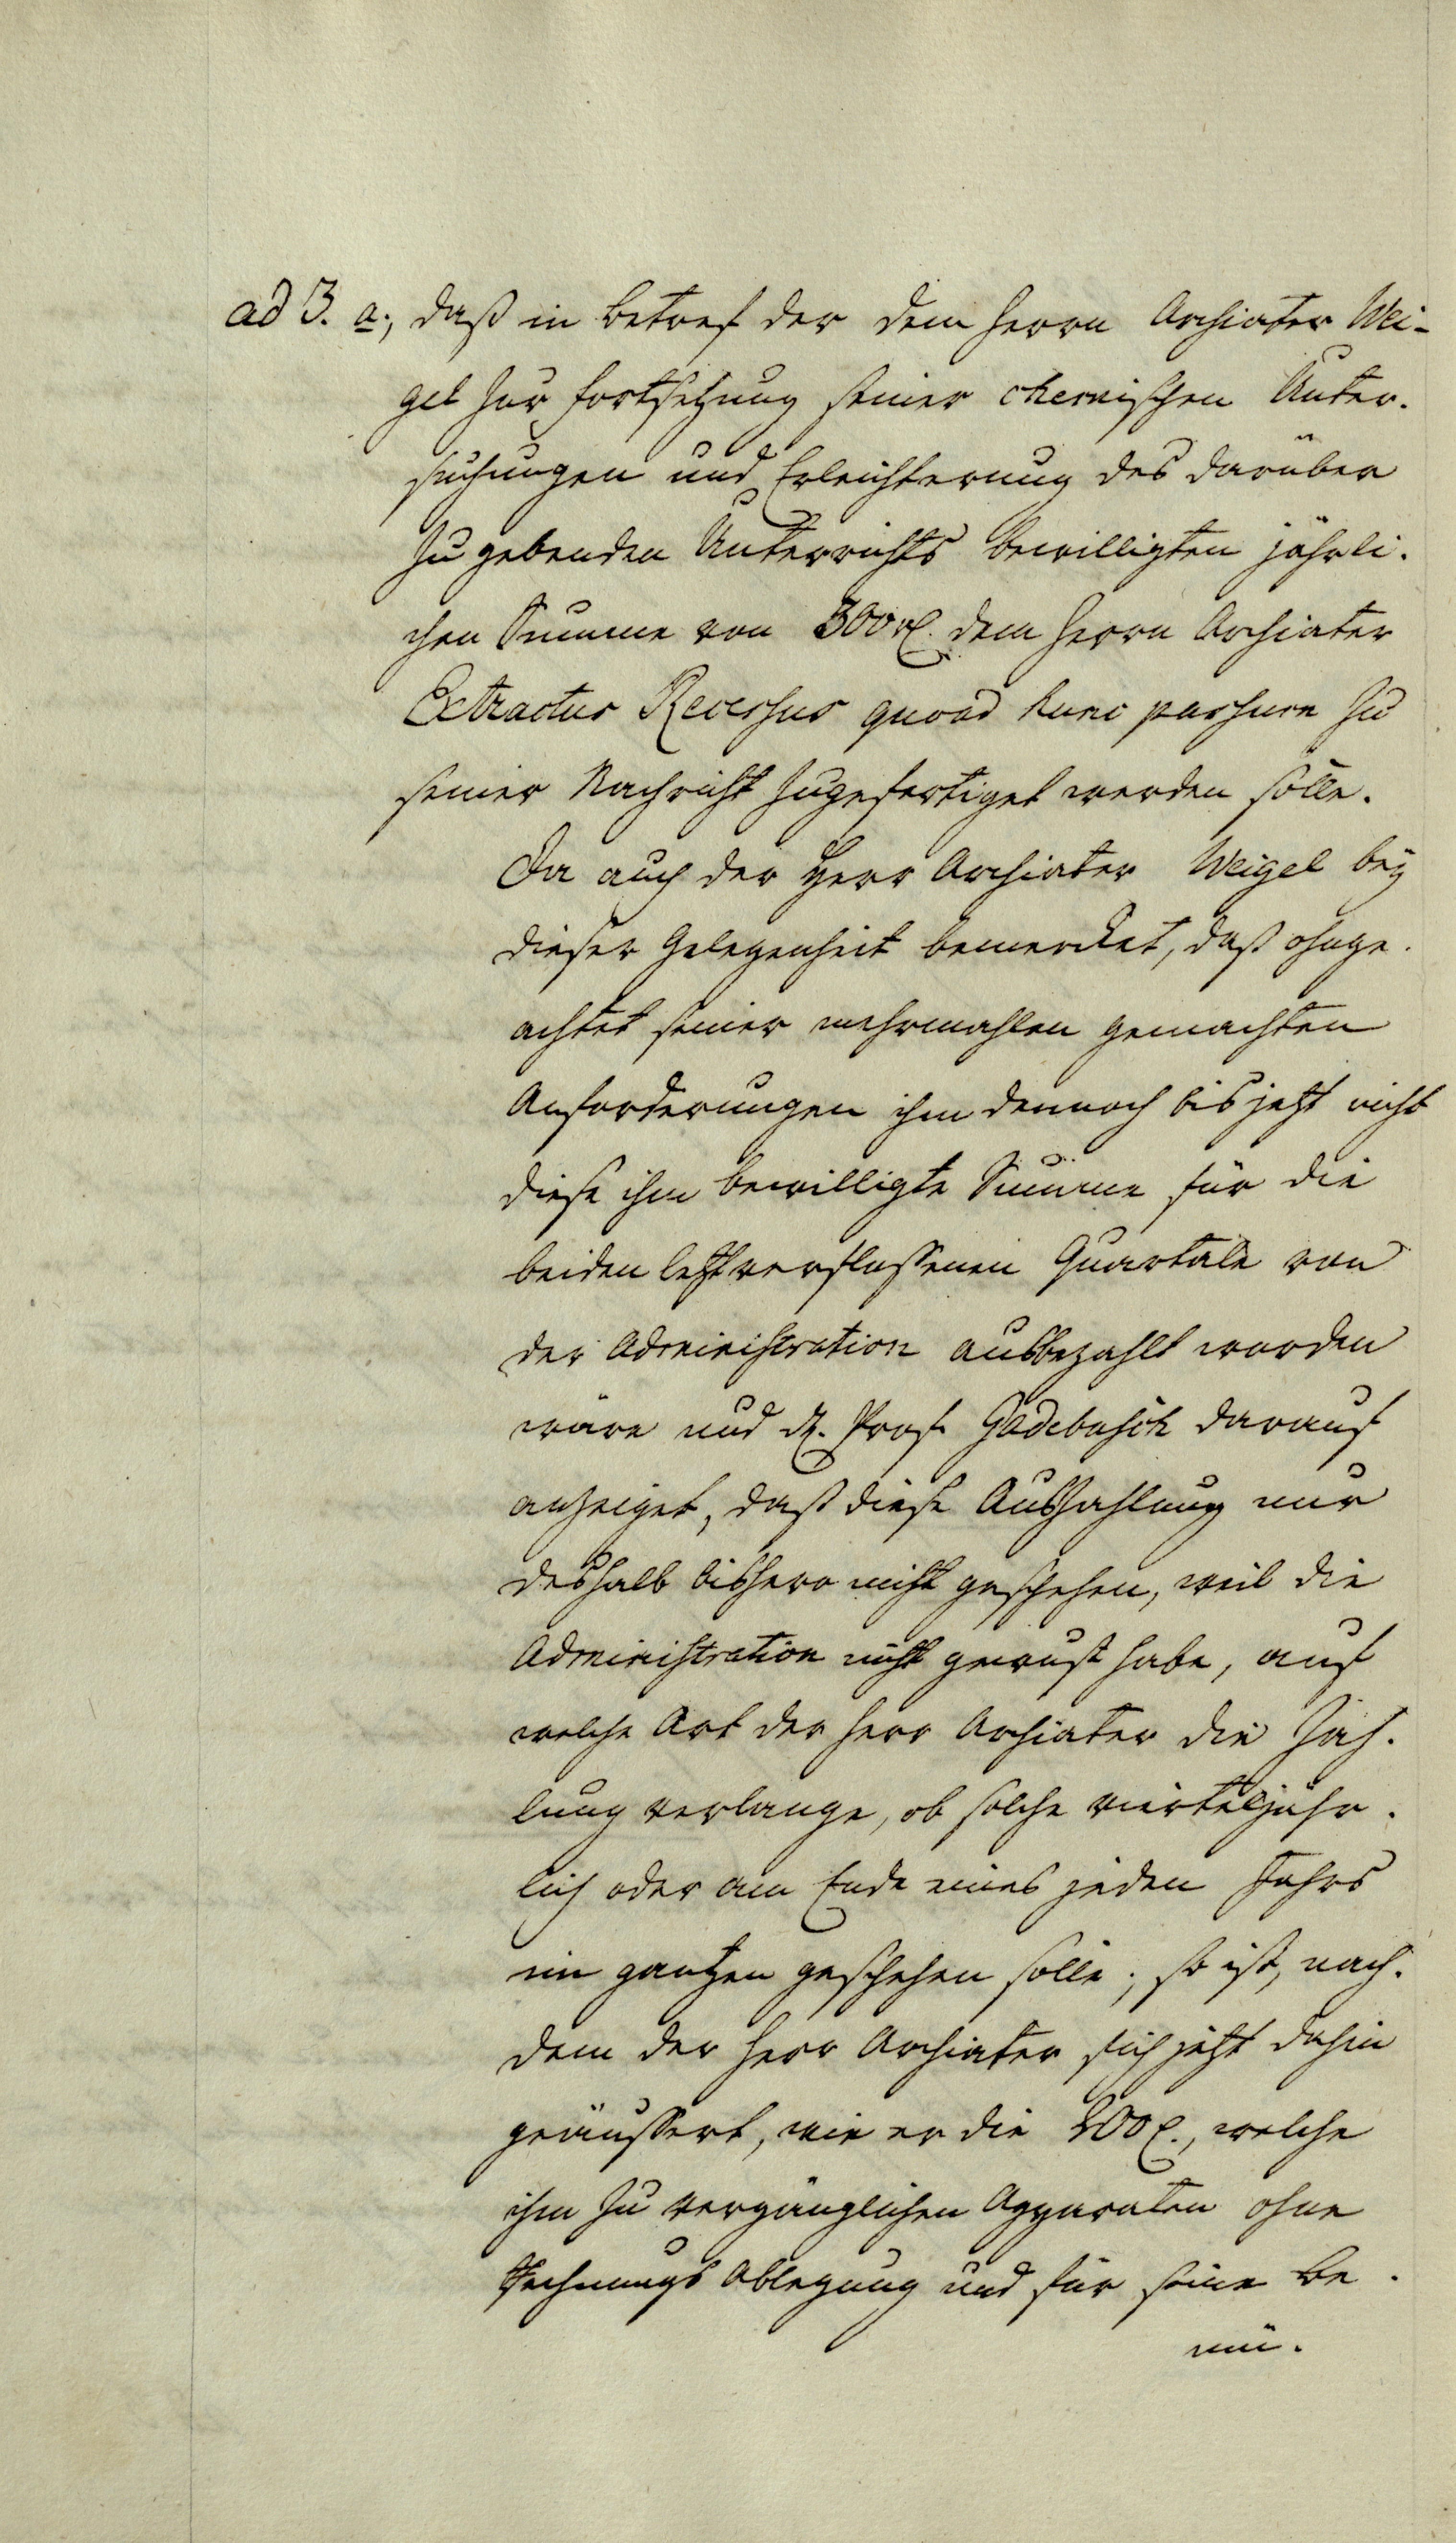ad 3. a., daß in Betref der dem Herrn Archiater Wei¬
gel zur Fortsetzung seiner chemischen Unter¬
suchungen und Erleichterung des darüber
zu gebenden Unterrichts bewilligten jährli¬
chen Summe von 300 l. dem Herrn Archiater
Extractus Recessus quoad hunc passum zu
seiner Nachricht zugefertiget werden solle.
Da auch der Herr Archiater Weigel beÿ
dieser Gelegenheit bemerket, daß ohnge¬
achtet seiner mehrmahlen gemachten
Anforderungen ihm dennoch bis jetzt nicht
diese ihm bewilligte Summe für die
beiden letzt verflossenen Quartale von
der Administration ausbezahlt worden
wäre und dh. Prof. Gadebusch darauf
anzeiget, daß diese Auszahlung nur
deshalb bishero nicht geschehen, weil die
Administration nicht gewußt habe, auf
welche Art der Herr Archiater die Zah¬
lung verlange, ob solche vierteljähr¬
lich oder am Ende eines jeden Jahres
im gantzen geschehen solle, so ist nach¬
dem der Herr Archiater sich jetzt dahin
geäussert, wie er die 200 l., welche
ihm zu vergänglichen Apparaten ohne
Rechnungs Ablegung und für seine Be¬
mü¬